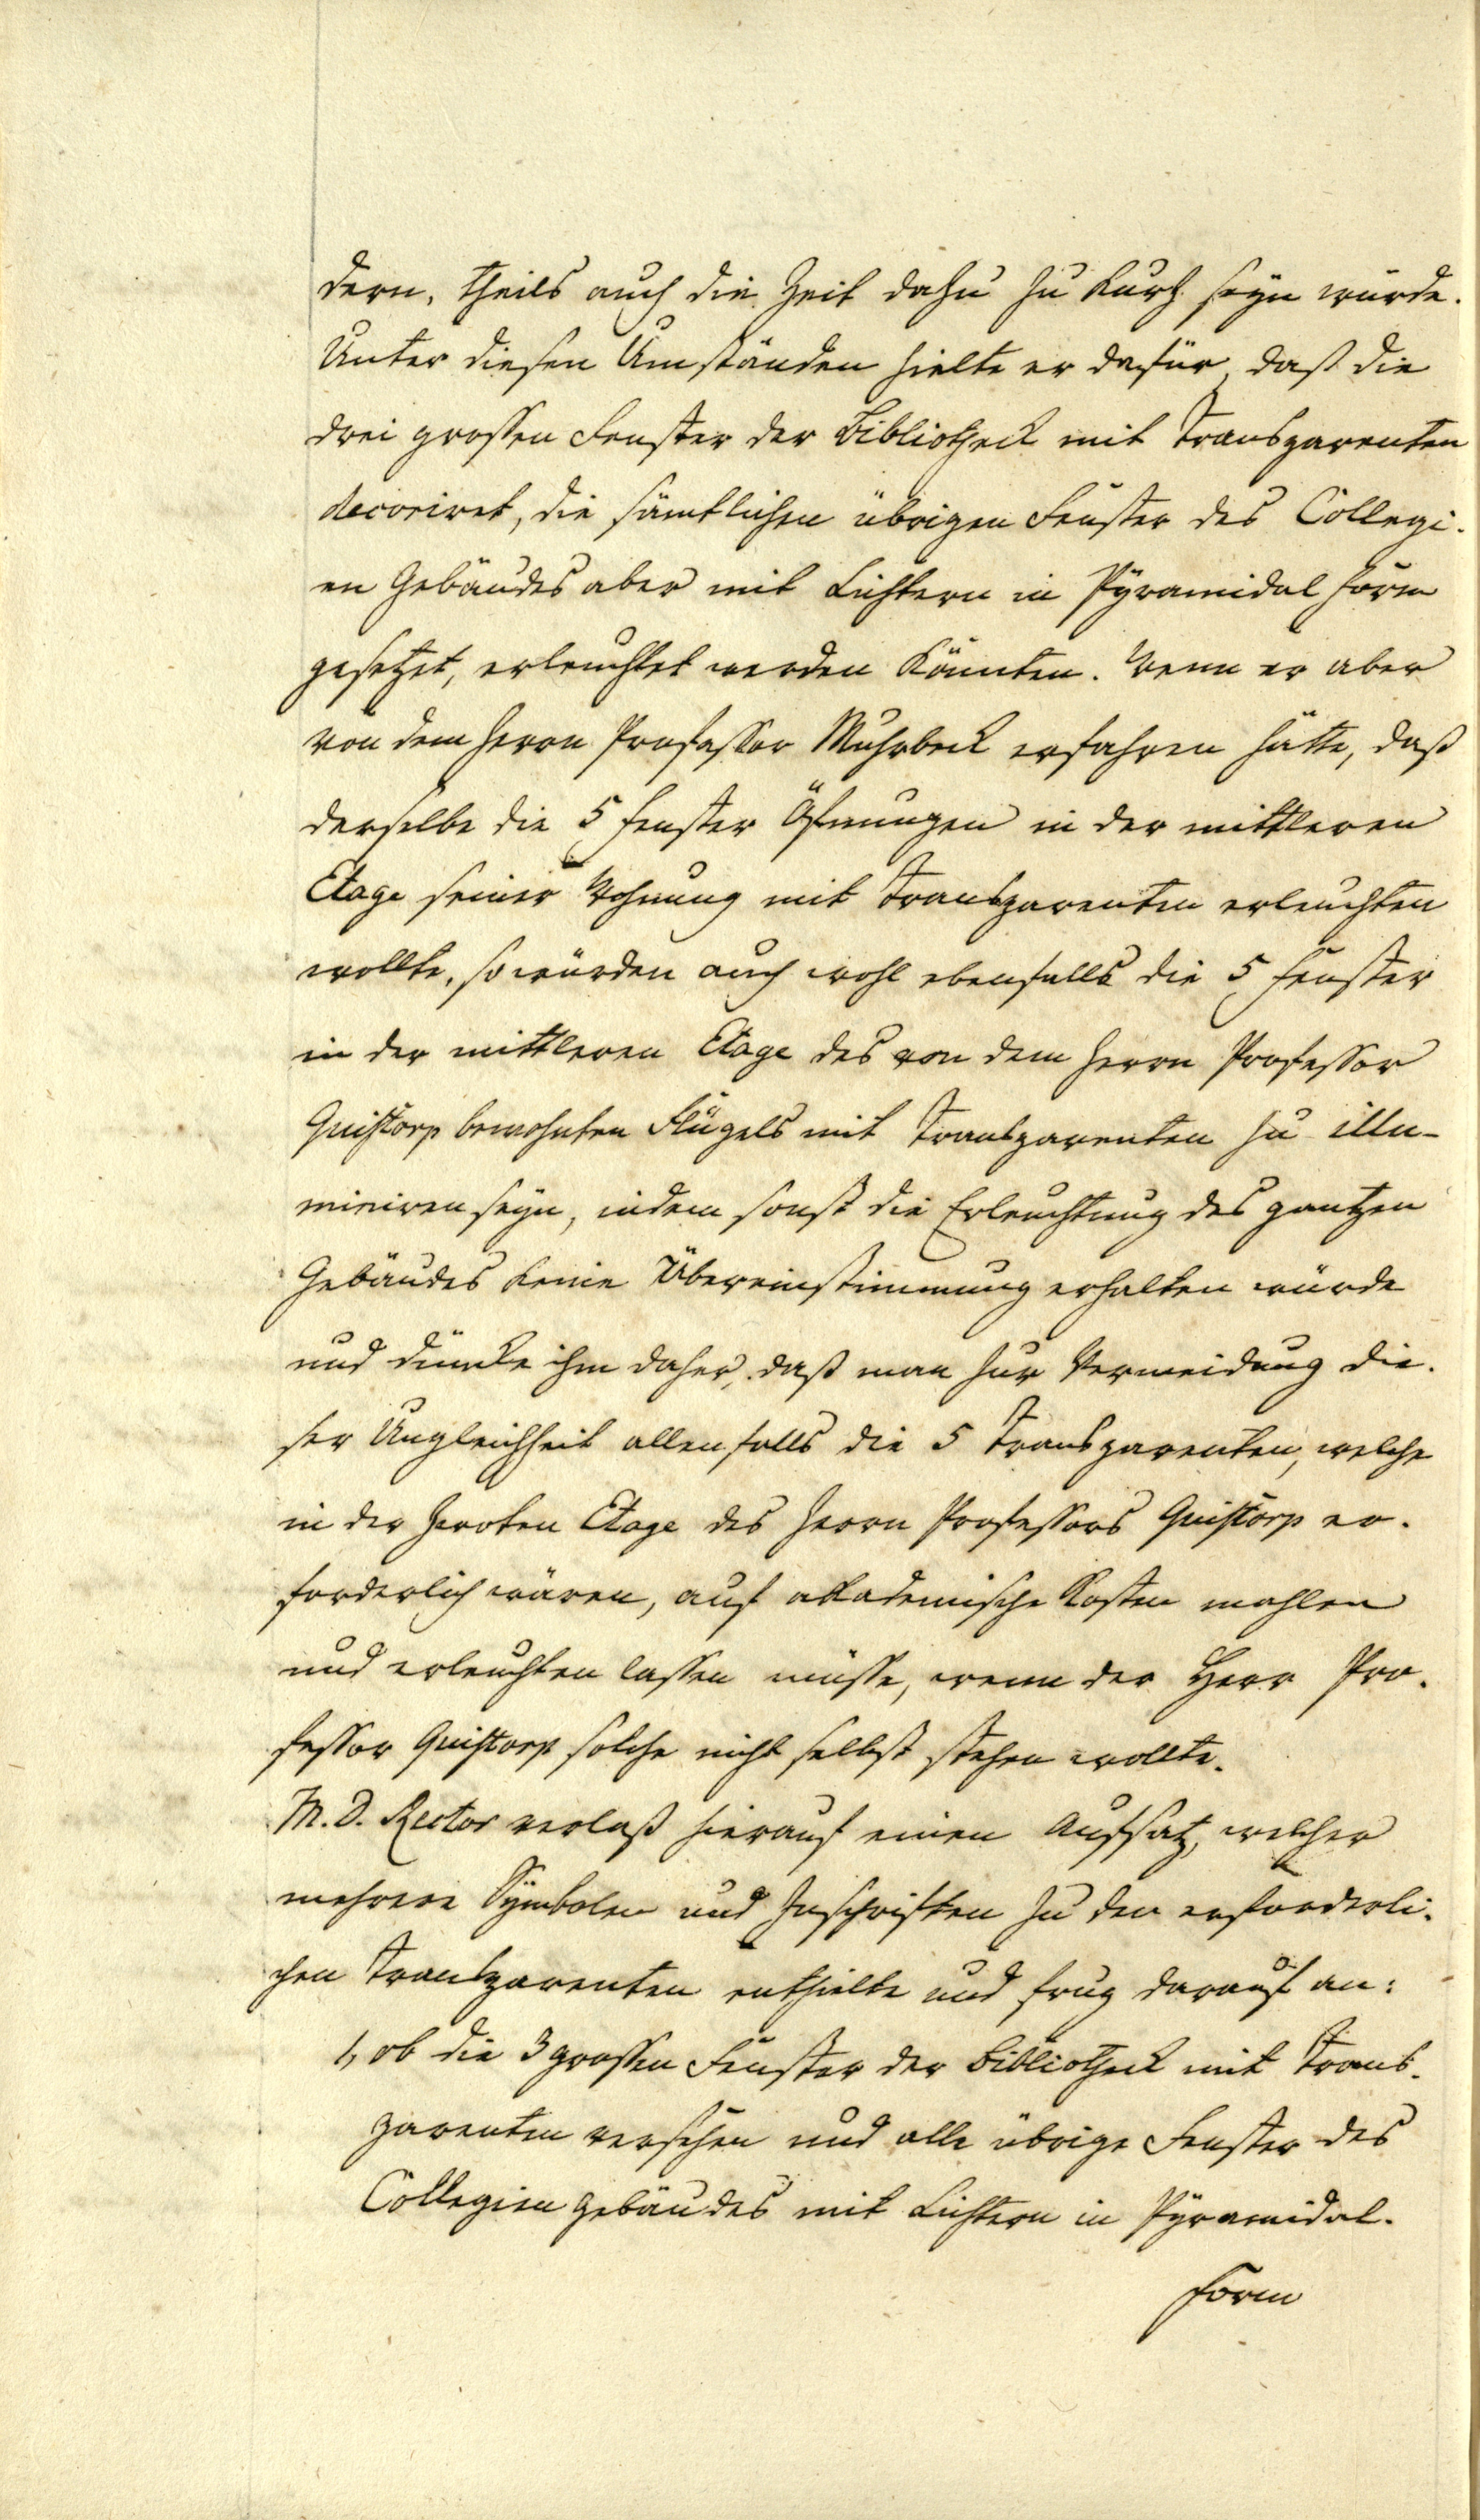dern, theils auch die Zeit dazu zu kurz seÿn würde.
Unter diesen Umständen hielte er dafür, daß die
den grossen Fenster der Bibliotheck mit Transparenten
decoriret, die sämtlichen übrigen Fenster des Collegi¬
en Gebäudes aber mit Lichtern in Pÿramidal Form
gesetzet, erleuchtet werden könnten. Wenn er aber
von dem Herrn Professor Muhrbeck erfahren hätte, daß
derselbe die 5 Fenster Öfnungen in der mittleren
Etage seiner Wohnung mit Transparenten erleuchten
wollte, so würden auch wohl ebenfalls die 5 Fenster
in der mittleren Etage des von dem Herrn Professor
Quistorp bewohnten Flügels mit Transparenten zu illu¬
miniren seÿn, indem sonst die Erleuchtung des gantzen
Gebäudes keine Übereinstimmung erhalten würde
und düncke ihm daher, daß man zur Vermeidung die¬
ser Ungleichheit allen falls die 5 Transparenten, welche
in der zwoten Etage des Herrn Professors Quistorp er¬
forderlich wären, auf akademische Kosten mahlen
und erleuchten lassen müsse, wenn der Herr Pro¬
fessor Quistorp solche nicht selbst stehen wollte.
M. D. Rector verlaß hierauf einen Aufsatz, welcher
mehrere Sÿmbolen und Inschriften zu dem erforderli¬
chen Transparenten enthielte und frug darauf an:
1, ob die 3 grossen Fenster der Bibliotheck mit Trans¬
parenten versehen und alle übrige Fenster des
Collegien Gebäudes mit Lichtern in Pyramidal¬
form